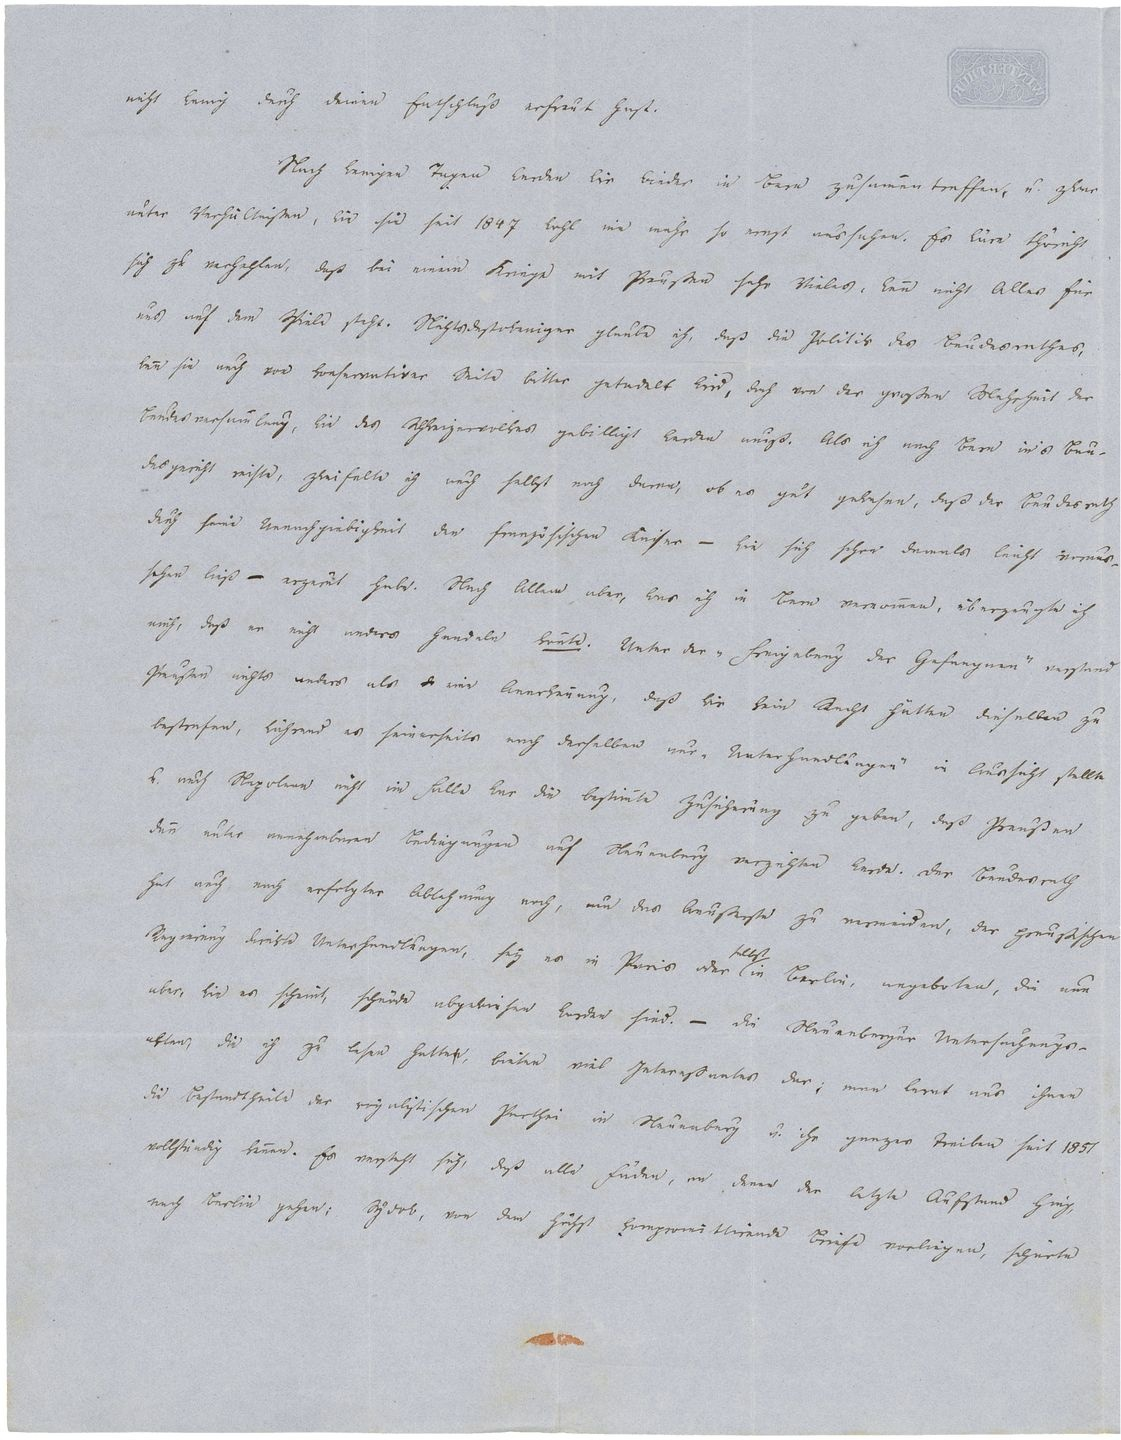nicht wenig durch Deinen Entschluß erfreut hast.
Nach wenigen Tagen werden wir wieder in Bern zusammentreffen, u. zwar
unter Verhältnissen, wie sie sich seit 1847 wohl nicht mehr so ernst aussahen. Es wäre thöricht
sich zu verhehlen, daß bei einem Kriege mit Preußen sehr Vieles, wenn nicht Alles für
uns auf dem Spiele steht. Nichtsdestoweniger glaube ich, daß die Politik des Bundesrathes,
wenn sie auch von konservativer Seite bitter getadelt wird, doch von der großen Mehrheit der
Bundesversammlung, wie des Schweizervolkes gebilligt werden muß. Als ich nach Bern in's Bun-
desgericht reiste, zweifelte ich auch selbst noch daran, ob es gut gewesen, daß der Bundesrath
durch seine Unnachgiebigkeit den französischenKaiser – wie sich schon damals leicht voraus-
sehen ließ – erzürnt habe. Nach Allem aber, was ich in Bern vernommen, überzeugte ich
mich, daß er nicht anders handeln konnte. Unter der «Freigebung der Gefangnen» verstand
Preußen nichts anders als d eine Anerkennung, daß wir kein Recht hätten dieselben zu
bestrafen, während es seinerseits nach derselben nur «Unterhandlungen» in Aussicht stellte
u. auch Napoleon nicht im Falle war die bestimmte Zusicherung zu geben, daß Preußen
dann unter annehmbaren Bedingungen auf Neuenburg verzichten werde. Der Bundesrath
hat auch nach erfolgter Ablehnung noch, um das Aeußerste zu vermeiden, der preußischen
Regierung direkte Unterhandlungen, sey es in Paris oder selbst in Berlin, angeboten, die nun
aber, wie es scheint, schnöde abgewiesen worden sind. – Die Neuenburger Untersuchungs-
akten, die ich zu lesen hatte, bieten viel Interessantes dar; man lernt aus ihnen
die Bestandtheile der royalistischen Parthei in Neuenburg u. ihr ganzes Treiben seit 1851
vollständig kennen. Es versteht sich, daß alle Fäden, an denen der letzte Aufstand hing,
nach Berlin gehen; Sydow, von dem höchst kompromittirende Briefe vorliegen, schürte